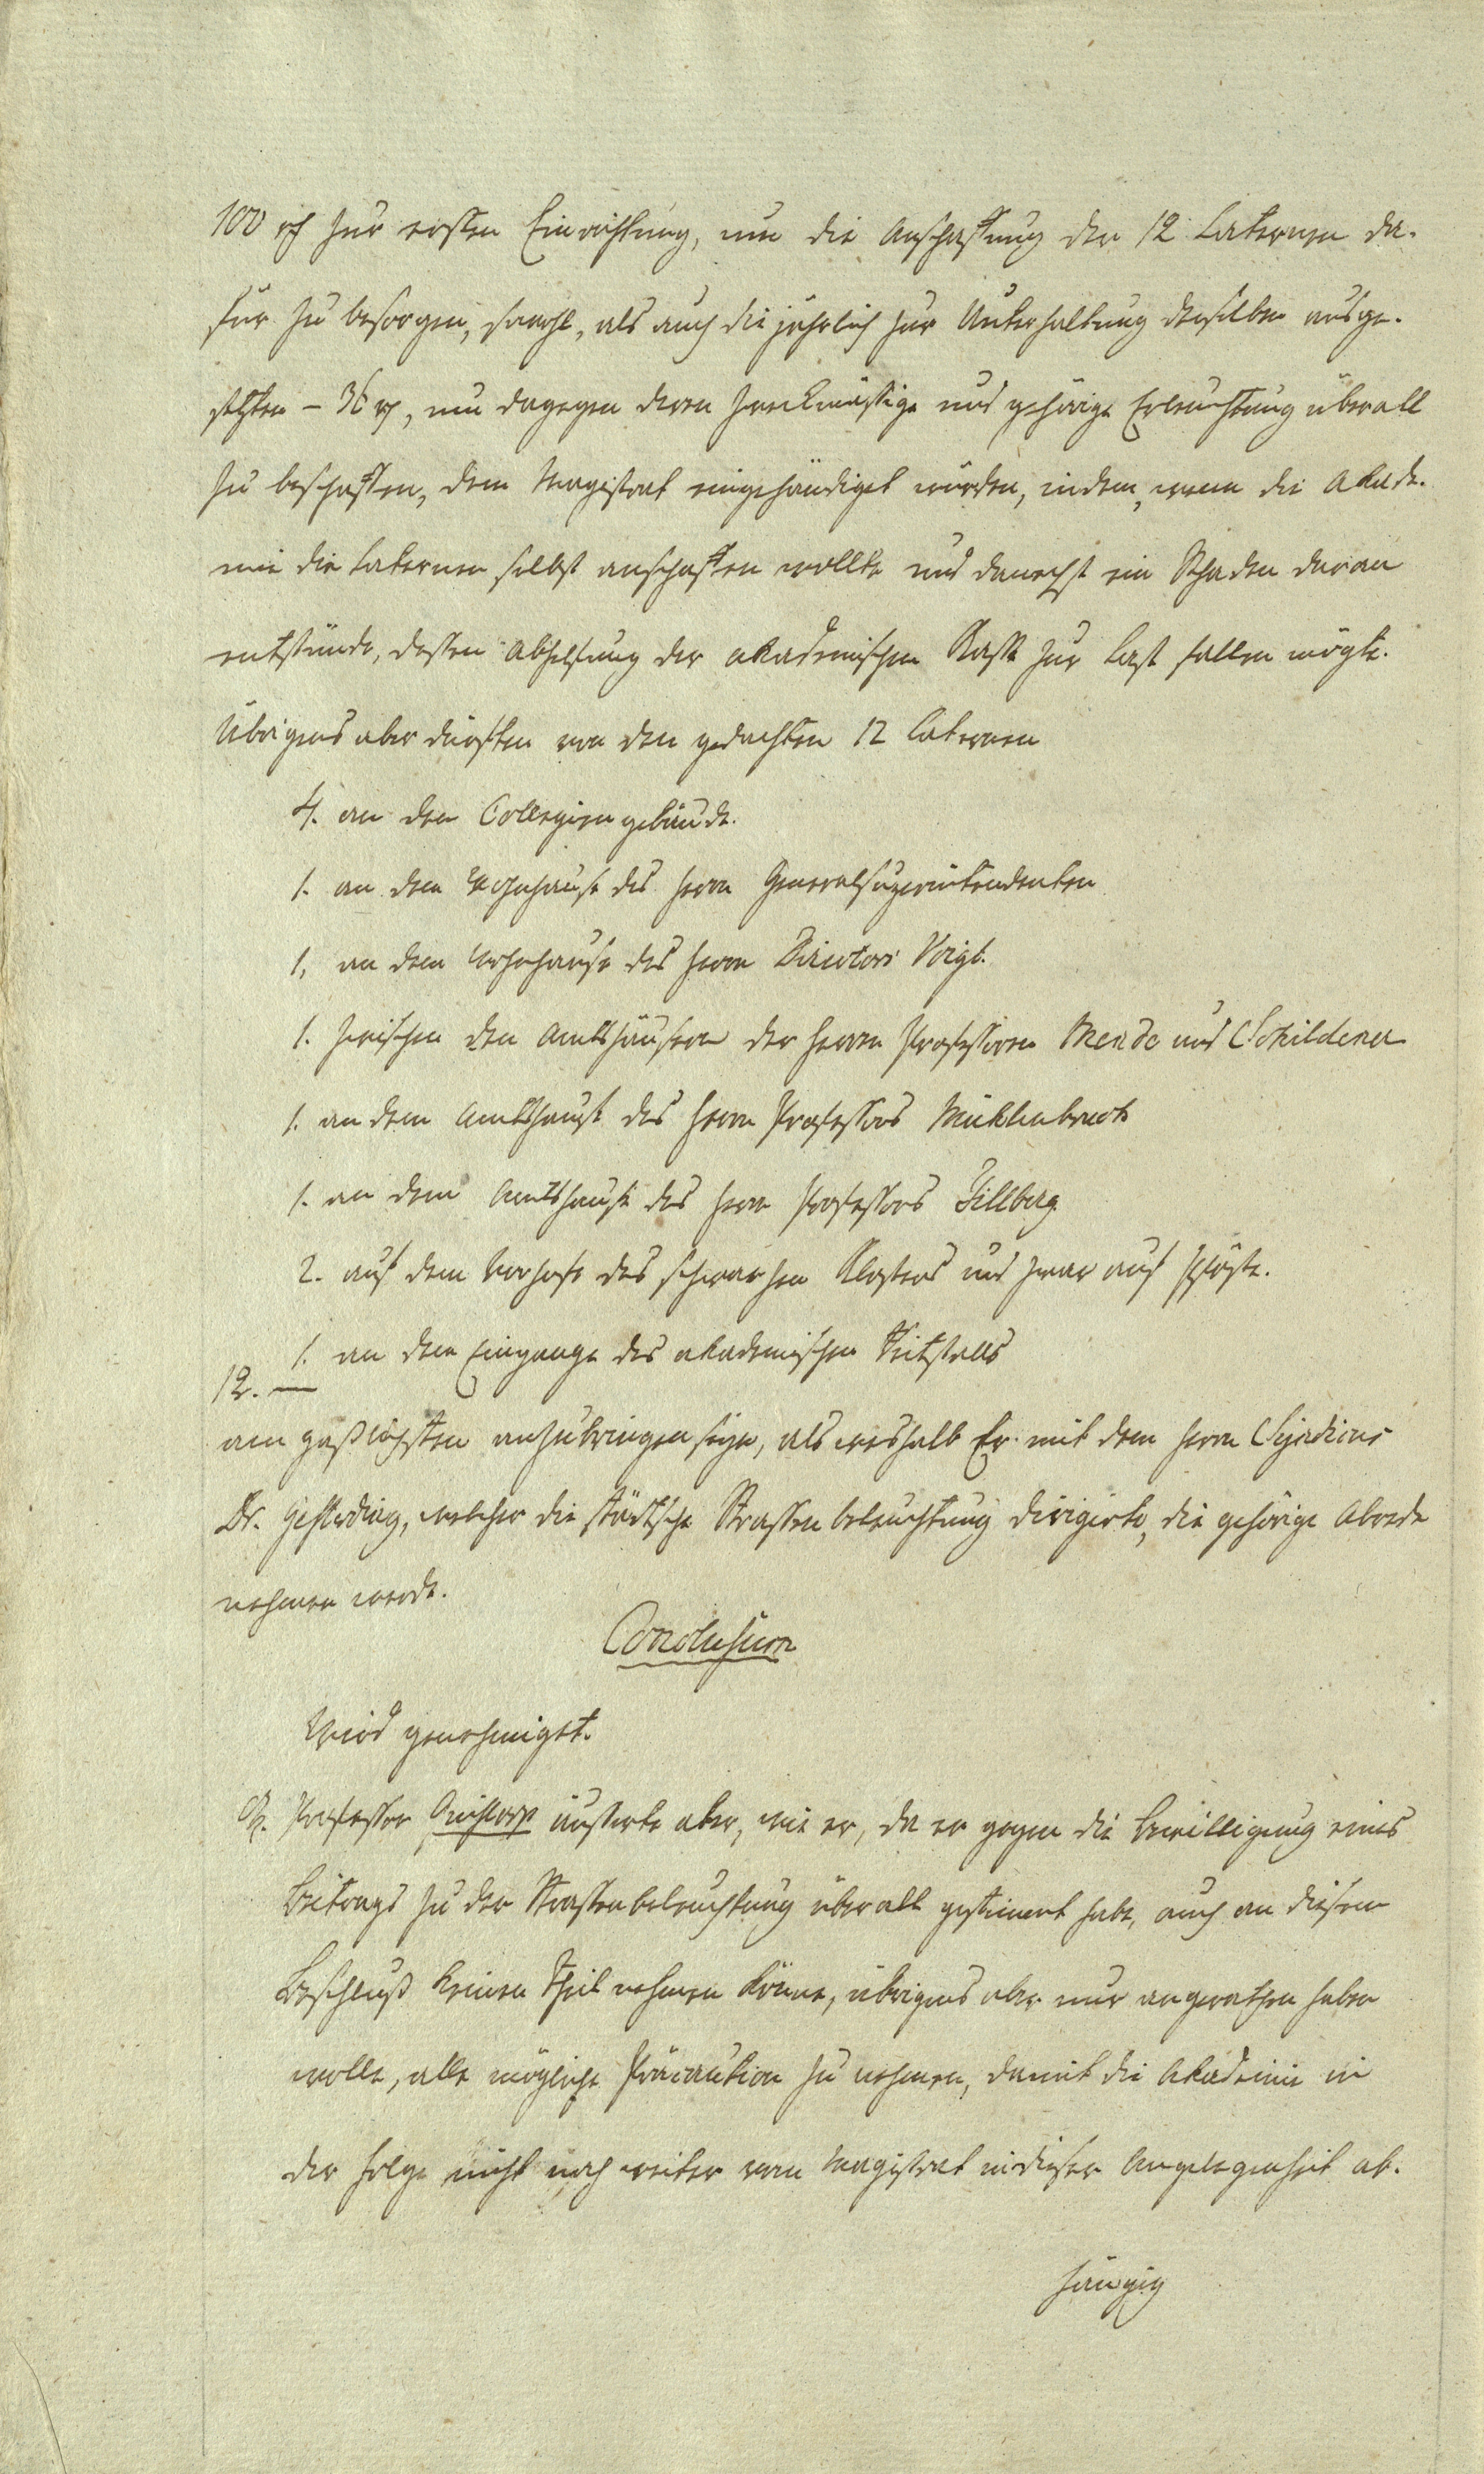100 rt zur ersten Einrichtung, um die Anschaffung der 12 Laternen da¬
für zu besorgen, sowohl, als auch die jährlich zur Unterhaltung derselben aufge¬
setzten - 36 rt, um dagegen deren zweckmässige und gehörige Erleuchtung überall
zu beschaffen, dem Magistrat eingehändiget worden, indem, wenn die Akade¬
mie die Laternen selbst anschaffen wollte und danechst ein Schaden daran
entstünde, dessen Abhelfung der akademischen Kasse zur Last fallen mögte.
Übrigens aber dürften von den gedachten 12 Laternen
4. an dem Collegiengebäude.
1. an dem Wohnhause des Herrn Generalsuperintendenten
1, an dem Wohnhause des Herrn Directors Voigt.
1. zwischen den Amtshäusern der Herren Professoren Mende und Schildener
1. an dem Amtshause des Herrn Professors Mühlenbruch
1. an dem Amtshause des Herr Professors Tillberg.
2. auf dem Vorhofe des schwarzen Klosters und zwar auf Pföste.
1 an den Eingange des akademischen Reitstalls
12.
am paßlichsten anzubringen seÿn, als weshalb Er. mit dem Herrn Sÿndicus
Dr. Gesterding, welcher die städtsche Strassenbeleuchtung dirigirte, die gehörige Abrede
nehmen werde.
Conclusum
Wird genehmiget.
dh. Professor Quistorp äusserte aber, wie er, da er gegen die Bewilligung eines
Beitrags zu der Strassenbeleuchtung überall gestimmt habe, auch an diesem
Beschluß keinen Theil nehmen könne, übrigens aber nur angerathen haben
wolle, alle mögliche Präcaution zu nehmen, damit die Akademie in
der Folge nicht noch weiter vom Magistrat in dieser Angelegenheit ab¬
hängig